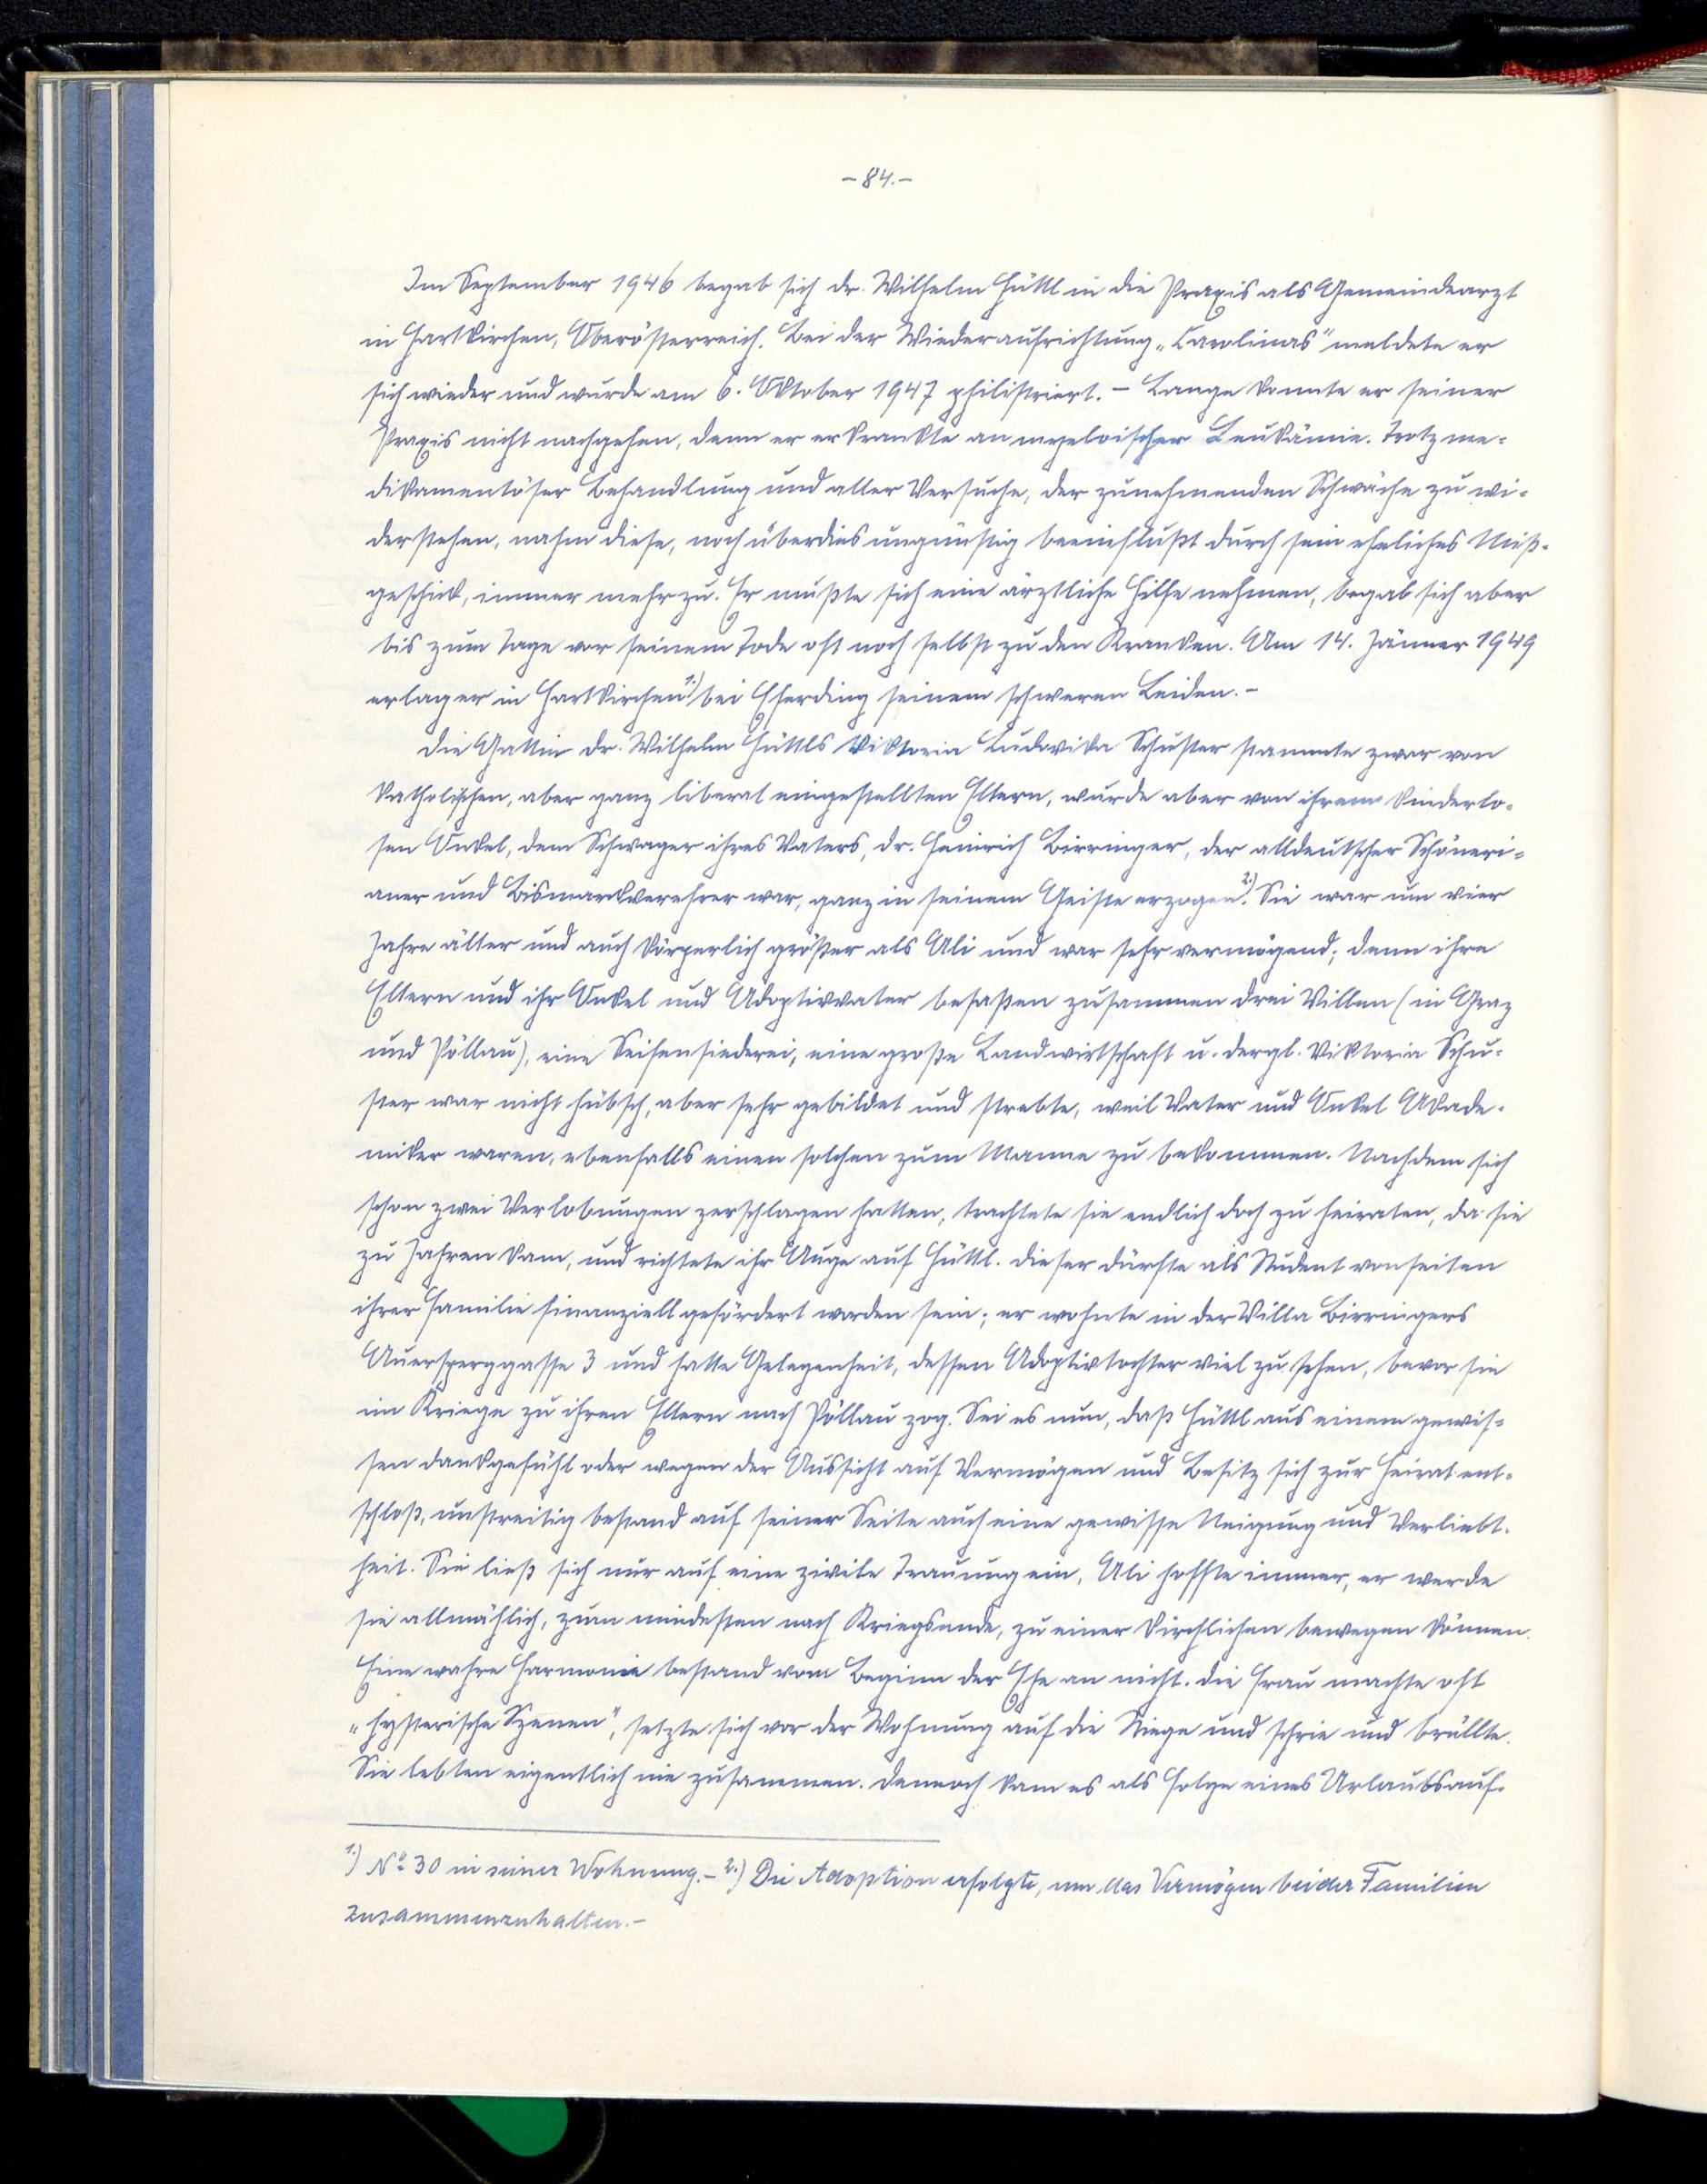64
Im September 1946 begab sich Dr. Wilhelm Hüttl in die Praxis als Gemeindearzt
in Hartkirchen, Oberösterreich. Bei der Wiederaufrichtung „Carolinas" meldete er
sich wieder und wurde am 6. Oktober 1947 philistriert. Lange konnte er seiner
Praxis nicht nachgehen, denn er erkranke an myeloischer Leukämie. Trotz me-
dikamentöser Behandlung und aller Versuche, der zunehmenden Schwäche zu wi-
derstehen, nahm diese, noch überdies ungünstig durch sein eheliches Miß-
geschick, immer mehr zu. Er muste sich eine ärztliche Hilfe nehmen, begab sich aber
bis zum Tage vor seinem Tode oft noch selbst zu den Kranken. Am 14. Jänner 1949
erlag er in Hartkirchen 1) bei Offerding seinem schweren Leiden.
Die Gattin Dr. Wilhelm Hüttls Viktoria Ludovika Schuster stammte zwar von
katholischen, aber ganz liberal eingestellten Eltern, wurde aber von ihrem kinderlo-
sen Onkel, dem Schwager ihres Vaters, Dr. Heinrich Birringer, der alldeutscher Schöneri-
aner und Bismarckverehrer war, ganz in seinem Geiste erzogen. 2.) Sie war um vier
Jahre älter und auch körperlich größer als Ali und war sehr vermögend, denn ihre
Eltern und ihr Onkel und Adoptivvater besaßen zusammen drei Villen (in Grar-
und Pöllau), eine Seifensiederei, eine große Landwittschaft u. dergl. Viktoria Schus-
ster war nicht hübsch, aber sehr gebildet und strebte, weil Vater und Onkel Akade-
miker waren, ebenfalls einen solchen zum Manne zu bekommen. Nachdem sich
schon zwei Verlobungen zerschlagen hatten, trachtete sie endlich doch zu heiraten, da sie
zu Jahren kam, und richtete ihr Auge auf Hüttl. Dieser derfte als Student von seiten
ihrer Familie finanziell gefördert worden sein; er wohnte in der Villa Birringers
Auersperggasse 3 und hatte Gelegenheit, dessen Adoptivtochter viel zu sehen, bevor sie
im Kriege zu ihren Eltern nach Pollau zog. Sei es nun, dass Hüttl aus einem gewis-
sen Dankgefühl oder wegen der Aussicht auf Vermögen und Besitz sich zur Heirat ent-
schloß, unstreitig bestand auf seiner Seite auch eine gewisse Neigung und Verliebt-
heit. Sie ließ sich nur auf eine zivile Trauung ein, Ali hoffte immer, er werde
sie allmählich, zum mindesten nach Kriegsande, zu einer kirchlichen bewegen können.
Eine wahre Harmonie bestand vom Beginn der Ehe an nicht. Die Frau machte oft
hysterische Szenen, setzte sich vor der Wohnung auf die Stiege und schrie und brüllte.
Sie lebten eigentlich nie zusammen. Deneoch kam es als Folge eines Urlaubsauf-
1) No 30 in seiner Wohnung, 2) Die Adoption erfolgte, um das Vermögen beider Familien
zusammenzuhalten. -